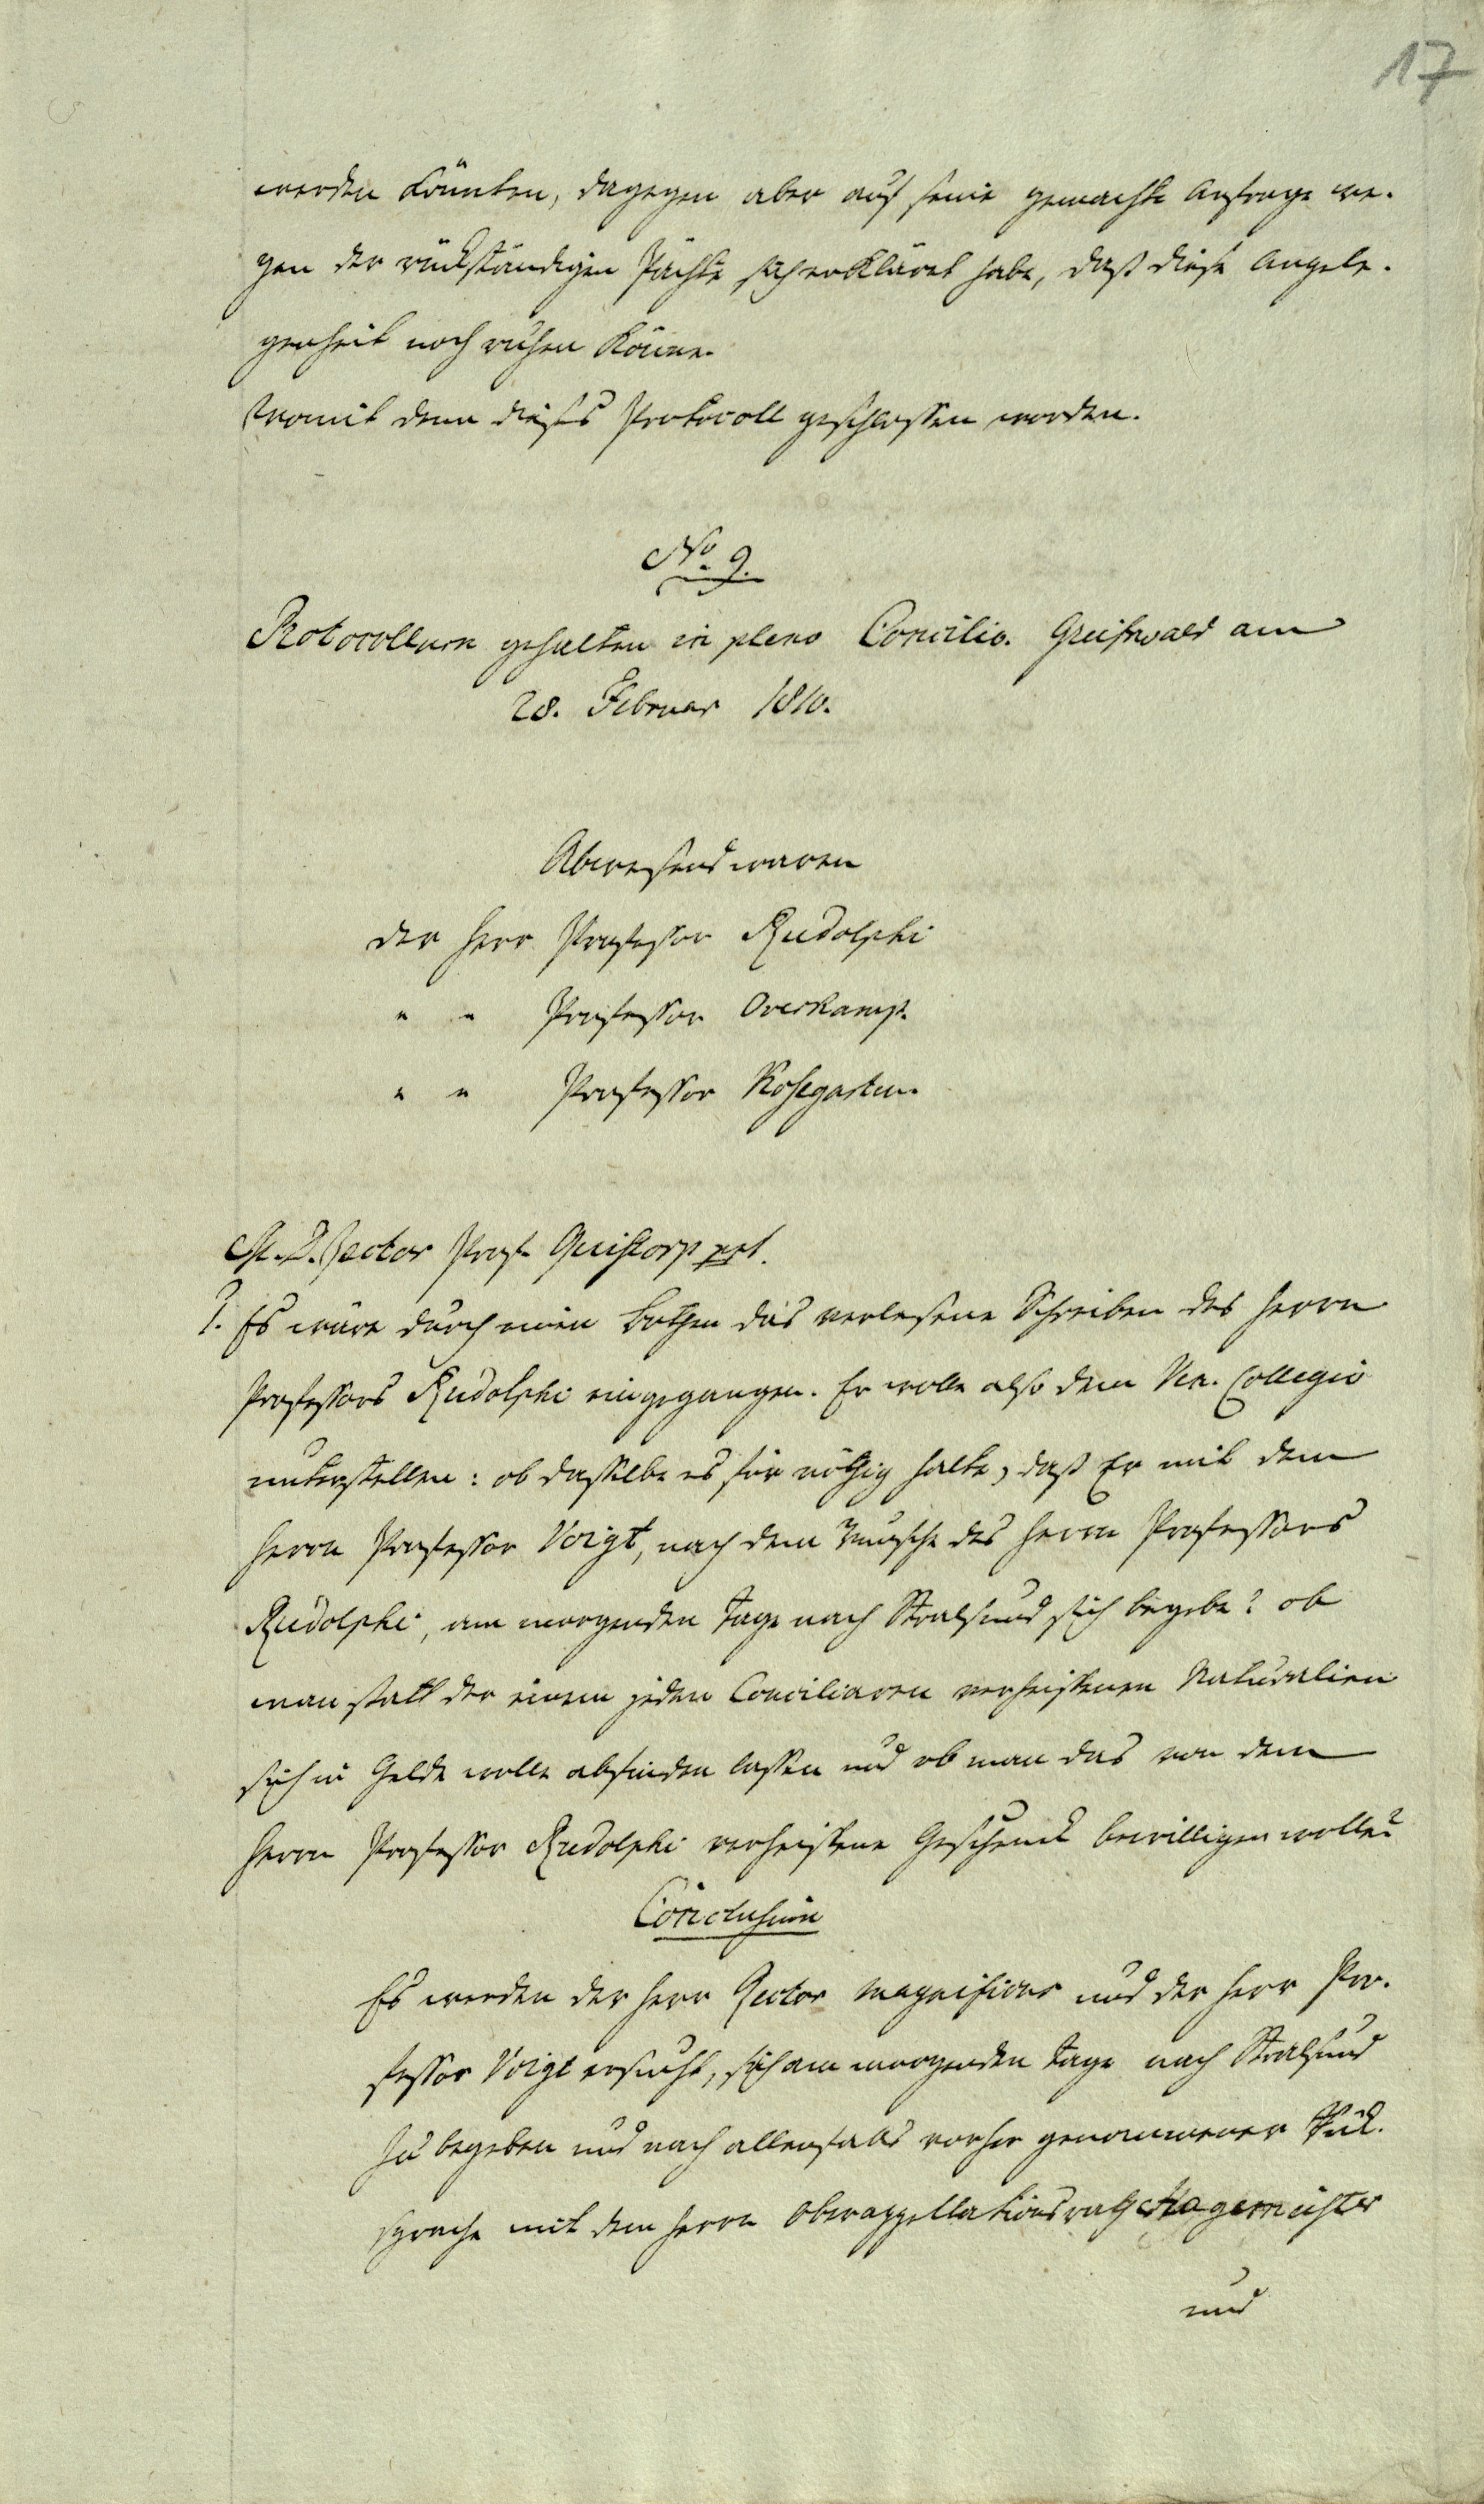werden könnten, dagegen aber auf seine gemachte Anfrage we¬
gen der rückständigen Pächte sich erkläret habe, daß diese Angele¬
genheit noch ruhen könne.
Womit denn dieses Protocoll geschlossen worden.
No 9.
Protocollum gehalten in pleno Concilio. Greifswald am
28. Februar 1810.
Abwesend waren
der Herr Professor Rudolphi
Professor Overkamp.
Professor Kosegarten.
M. D Rector Prof. Quistorp ppt.
1. Es wäre durch einen Bothen das verlesene Schreiben des Herrn
Professors Rudolphi eingegangen. Er wolle also dem Ven. Collegio
unterstellen: ob dasselbe es für nöthig halte, daß Er mit dem
Herrn Professor Voigt, nach dem Wunsche des Herrn Professors
Rudolphi, am morgenden Tage nach Stralsund sich begebe? ob
man statt der einem jeden Conciliaren verheissenen Naturalien
sich in Gelde wolle abfinden lassen und ob man das von dem
Herrn Professor Rudolphi verheissene Geschenk bewilligen wolle?
Conclusum
Es werden der Herr Rector Magnificus und der Herr Prof¬
fessor Voigt ersucht, sich am morgenden Tage nach Stralsund
zu begeben und nach allenfalls vorher genommener Rück¬
sprache mit dem Herrn Oberappellationsrath Hagemeister
und